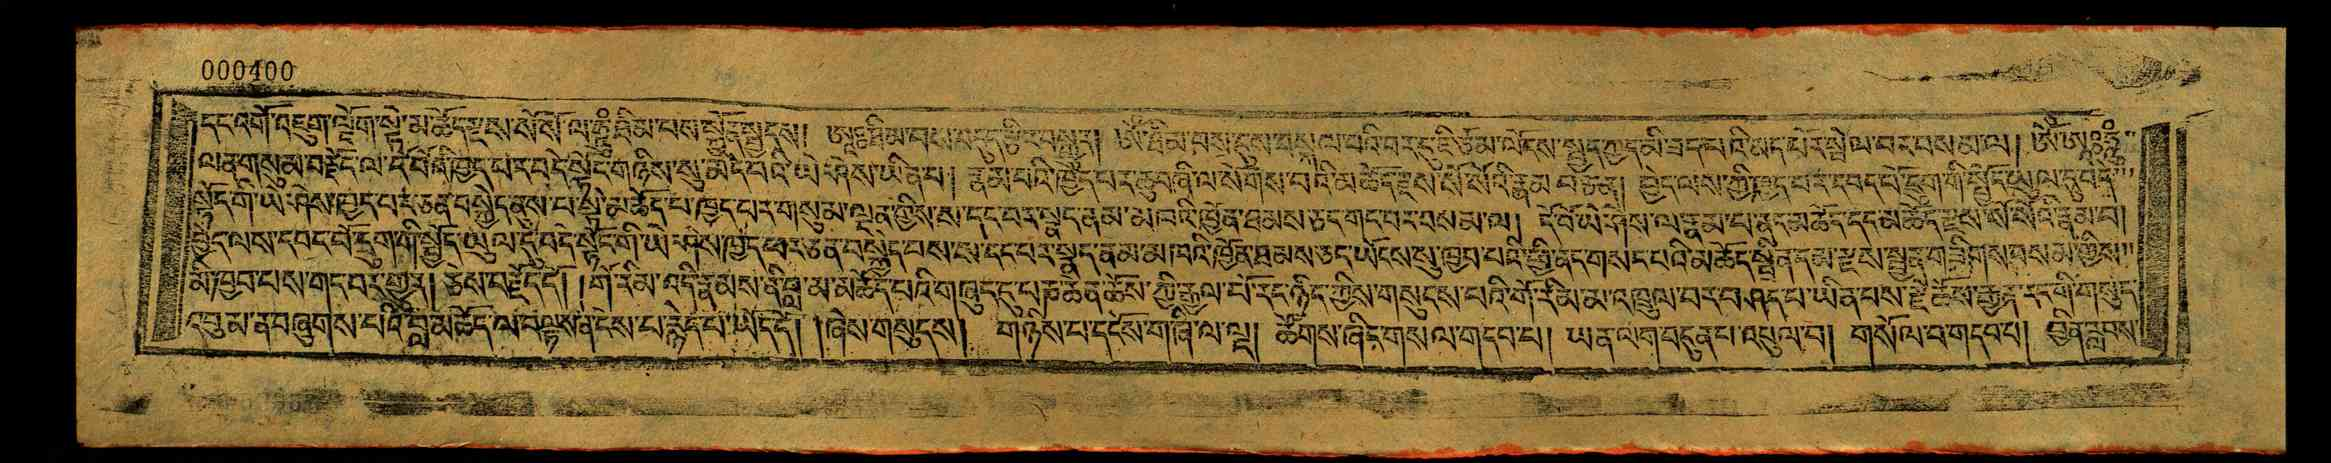དང་འགོ་མཇུག་ལྡོག་སྟེ་མཆོད་རྫས་སོ་སོ་ལ་ཧཱུཾ་ཐིམ་པས་སྐྱོན་སྦྱངས། ཨཿ ཐིམ་པས་བདུད་རྩིར་བསྒྱུར། ཨོཾ་ཐིམ་པས་དུས་བསྐལ་པའི་བར་དུ་ཇི་ཙམ་ལོངས་སྤྱད་ཀྱང་མི་ཟད་པའི་མང་པོར་སྤེལ་བར་བསམ་ལ། ཨོཾ་ཨཱཿ ཧཱུཾ་
ལན་གསུམ་བརྗོད་ལ་ངོ་བོའི་ཁྱད་པར་བདེ་སྟོང་གཉིས་སུ་མེད་པའི་ཡེ་ཤེས་ཡིན་པ། རྣམ་པའི་ཁྱད་པར་ཆུ་བཞི་ལ་སོགས་པའི་མཆོད་རྫས་སོ་སོའི་རྣམ་པ་ཅན། བྱེད་ལས་ཀྱི་ཁྱད་པར་དབང་པོ་དྲུག་གི་སྤྱོད་ཡུལ་དུ་བདེ་
སྟོང་གི་ཡེ་ཤེས་ཁྱད་པར་ཅན་བསྐྱེད་ནུས་པ་སྟེ་མཆོད་པ་ཁྱད་པར་གསུམ་ལྡན་གྱིས་ས་དང་བར་སྣང་ནམ་མཁའི་ཁྱོན་ཐམས་ཅད་གང་བར་བསམ་ལ། ངོ་བོ་ཡེ་ཤེས་ལ་རྣམ་པ་ནང་མཆོད་དང་མཆོད་རྫས་སོ་སོའི་རྣམ་པ།
བྱེད་ལས་དབང་པོ་དྲུག་གི་སྤྱོད་ཡུལ་དུ་བདེ་སྟོང་གི་ཡེ་ཤེས་ཁྱད་པར་ཅན་བསྐྱེད་པས་ས་དང་བར་སྣང་ནམ་མཁའི་ཁྱོན་ཐམས་ཅད་ཡོངས་སུ་ཁྱབ་པའི་ཕྱི་ནང་གསང་བའི་མཆོད་སྤྲིན་དམ་རྫས་སྤྱན་གཟིགས་བསམ་གྱིས་
མི་ཁྱབ་པས་གང་བར་གྱུར། ཅེས་བརྗོད་དོ། །གོ་རིམ་འདི་རྣམས་ནི་བླ་མ་མཆོད་པའི་གཞུང་དུ་པཎ་ཆེན་ཆོས་ཀྱི་རྒྱལ་པོ་རང་ཉིད་ཀྱིས་གསུངས་པའི་གོ་རིམ་མ་འཁྲུལ་བར་བཤད་པ་ཡིན་པས་རྗེ་ཆོས་རྒྱན་རང་གི་གསུང་
མ་ན་བཞུགས་པའི་བླ་མཆོད་ལ་བལྟས་ན་ངེས་པ་རྙེད་པ་ཡོད་དོ། །ཞེས་གསུངས། གཉིས་པ་དངོས་གཞི་ལ་ལྔ། ཚོགས་ཞིང་གསལ་གདབ་པ། ཡན་ལག་བདུན་པ་འབུལ་བ། གསོལ་བ་གདབ་པ། བྱིན་རླབས་